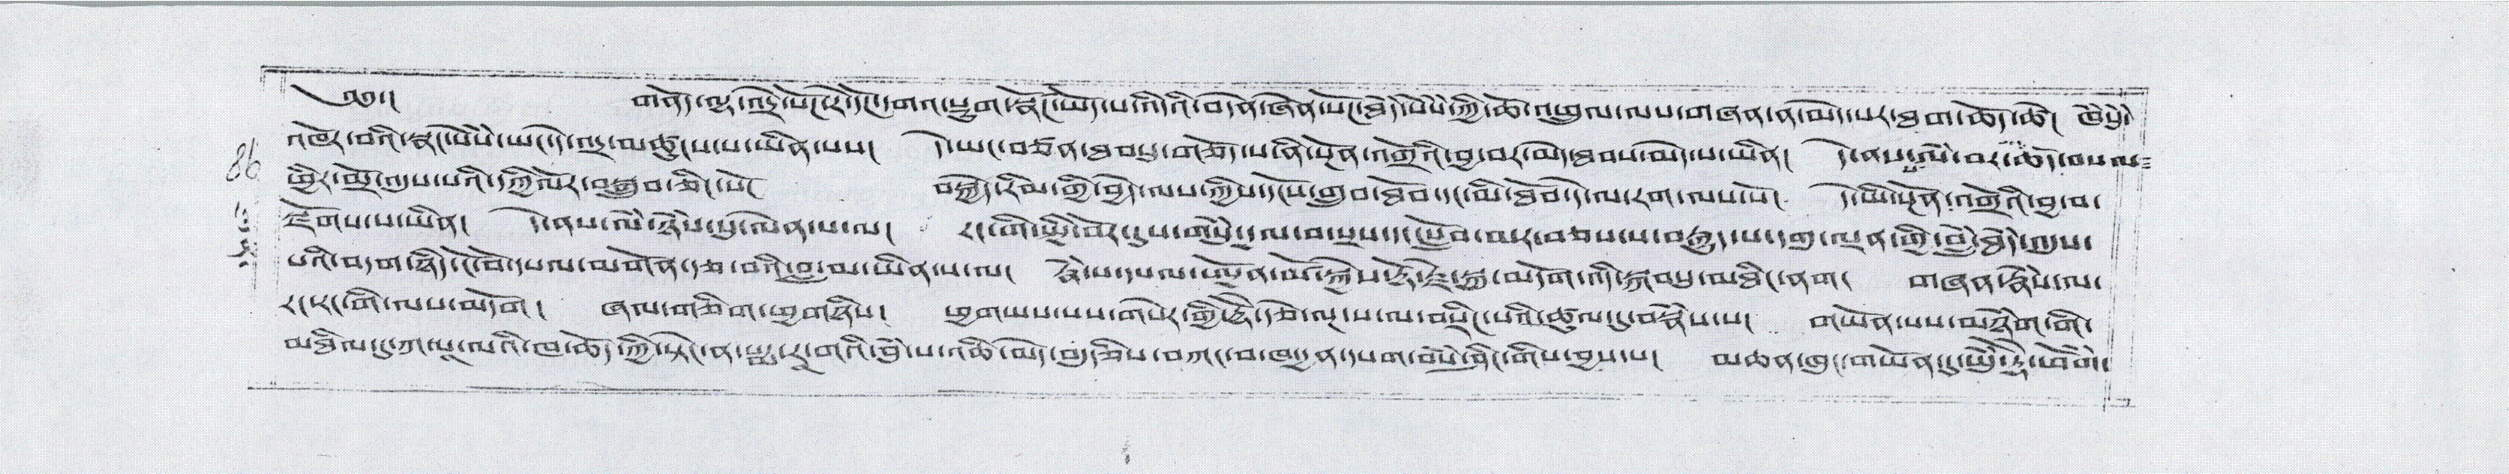གནོད་ལྷ་འདྲེ་སོགས་རེ་དོགས་དགའ་སྡུག་སྣ་ཚོགས་ཡོད་པ་འདིའི་བདེན་ཞེན་སོགས་ཐམས་ཅད་སེམས་ཀྱི་ཆོ་འཕྲུལ་ལས་གཞན་ན་མེད་པར་ཐག་ཆོད་ཚེ། ཁམས་གསུམ་
འཁོར་བའི་སྣང་སེམས་ཡང་དེ་འདྲ་མཚུངས་པ་ཡིན་པས། དེ་ཡང་བཙན་ཐབས་སུ་གཅོད་པ་ནི་སྔོན་འགྲོའི་བྱ་བར་མེད་ཐབས་མེད་པ་ཡིན། དེ་ནས་ས་ལམ་བར་མ་ཆོད་བསལ་
ཕྱིར་མཁའ་འགྲོ་འདུས་པའི་དཀྱིལ་འཁོར་བསྒྲུབ་ཅིང་སོ། བསྐྱེད་རིམ་གྱི་བྱེད་ལས་ཀྱིས་དངོས་གྲུབ་ཐོབ་དང་མི་ཐོབ་དེ་ལ་རག་ལས་སོ། དེ་ཡི་སྔོན་འགྲོའི་བྱ་བ་
རྫོགས་པ་ཡིན། དེ་ནས་ལམ་ཉམས་སུ་ལེན་པ་ལ། རང་གི་སྤྱི་བོར་དུས་གསུམ་རྒྱལ་བ་སྲས་དང་སློབ་མར་བཅས་པ་བརྒྱུད་པ་དགུ་ལྡན་གྱི་བླ་མ་ཐམས་ཅད་འདུས་
པའི་བདག་ཉིད་ངོ་བོ་དཔལ་མགོན་རྩ་བའི་བླ་མ་ཡིན་པ་ལ། རྣམ་པ་དཔལ་ཨོ་རྒྱན་མཚོ་སྐྱེས་རྡོ་རྗེ་སྐུ་མདོག་འདི་སྐབས་སུ་མཐིང་ནག གཞན་རྣམས་ལ་
རང་རང་གི་ལས་མདོག ཞལ་གཅིག་ཕྱག་གཉིས། ཕྱག་གཡས་པས་གསེར་གྱི་རྡོ་རྗེ་རྩེ་ལྔ་ས་ལ་བསྡིང་པའི་ཚུལ་དུ་བསྣམས་པ། གཡོན་པས་མཉམ་བཞག་གི་
མཐིལ་དུ་ཀ་པཱ་ལའི་ཁ་ཆོས་ཀྱི་སྟེང་ན་པདྨ་རཱ་གའི་བུམ་པ་འཆི་མེད་བདུད་རྩིས་བཀང་བ་ཁ་རྒྱན་དཔག་བསམ་ཤིང་གིས་བྱས་པ། མཆན་ཁུང་གཡོན་དུ་ཡུམ་རྡོ་རྗེ་ཕག་མོ་